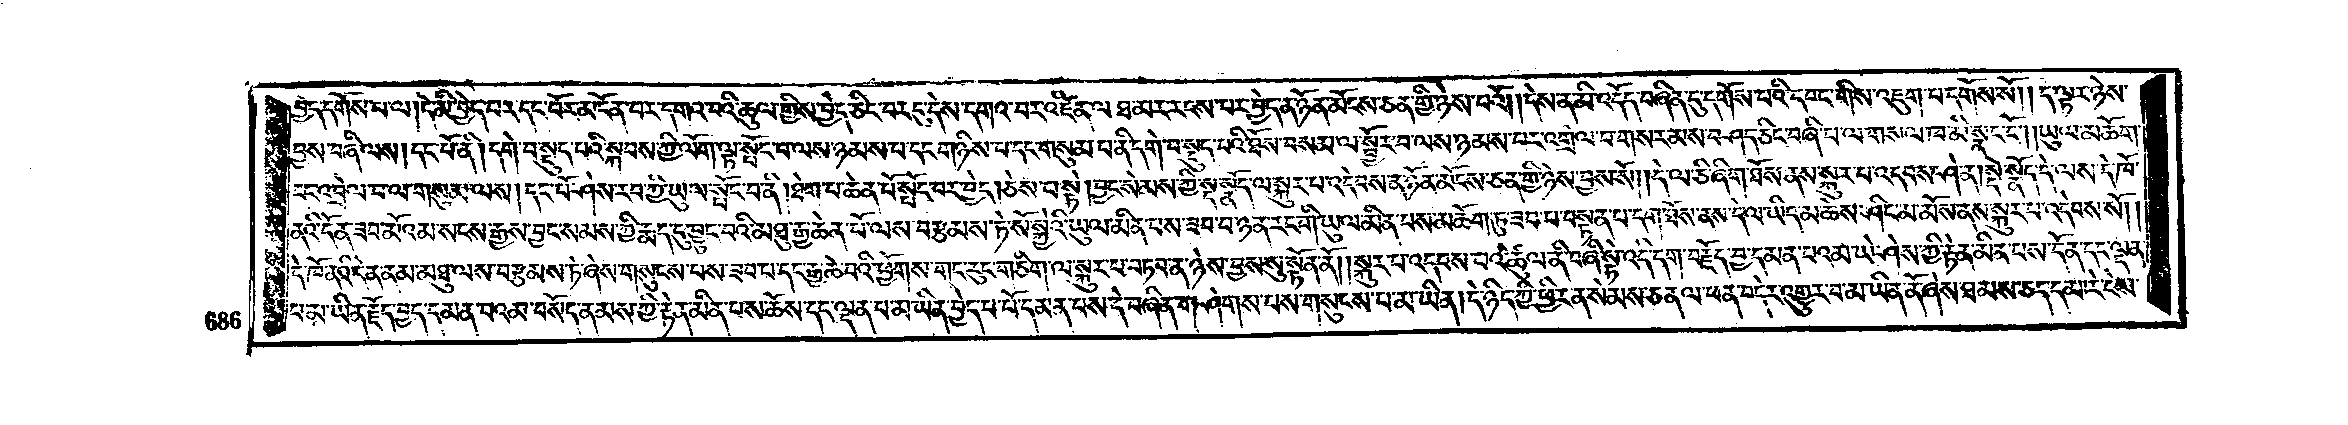བྱེད་དགོས་པ་ལ། དེ་མི་བྱེད་པར་དང་པོར་མངོན་པར་དགའ་བའི་ཚུལ་གྱིས་བྱེད་ཅིང་བར་དུ་དེས་དགའ་བར་འཛིན་ལ་ཐ་མར་རངས་པར་བྱེད་ན་ཉོན་མོངས་ཅན་གྱི་ཉེས་པའོ། །དེས་ན་མི་འདོད་བཞིན་དུ་དགོས་པའི་དབང་གིས་འཇུག་པ་དགོས་སོ། །དེ་ལྟར་ཉེས་
བྱས་བཞི་ལས། དང་པོ་ནི། དགེ་བ་སྡུད་པའི་སྐབས་ཀྱི་ལོག་ལྟ་སྤོང་བ་ལས་ཉམས་པ་དང་གཉིས་པ་དང་གསུམ་པ་ནི་དགེ་བ་སྡུད་པའི་ཐོས་བསམ་ལ་སྦྱོར་བ་ལས་ཉམས་པར་འགྲེལ་པ་གསར་མས་བཤད་ཅིང་བཞི་པ་ལ་གསལ་ཁ་མི་སྣང་ངོ། །ཡུལ་མཆོག་
དང་འབྲེལ་བ་ལ་གསུམ་ལས། དང་པོ་ཤེས་རབ་ཀྱི་ཡུལ་སྤོང་བ་ནི། ཐེག་པ་ཆེན་པོ་སྤོང་བར་བྱེད། ཅེས་པ་སྟེ། བྱང་སེམས་ཀྱི་སྡེ་སྣོད་ལ་སྐུར་པ་འདེབས་ན་ཉོན་མོངས་ཅན་གྱི་ཉེས་བྱས་སོ། །དེ་ལ་ཅི་ཞིག་ཐོས་ནས་སྐུར་པ་འདབས་ཤེ་ན། སྡེ་སྣོད་དེ་ལས་དེ་ཁོ་
ནའི་དོན་ཟབ་མོའམ་སངས་རྒྱས་བྱང་སེམས་ཀྱི་རྨད་དུ་བྱུང་བའི་མཐུ་རྒྱ་ཆེན་པོ་ལས་བརྩམས་ཏེ་སོ་སྐྱེའི་ཡུལ་མིན་པས་ཟབ་པ་ཉན་རང་གི་ཡུལ་མིན་པས་མཆོག་ཏུ་ཟབ་པ་བསྟན་པ་དག་ཐོས་ནས་དེ་ལ་ཡིད་མ་ཆེས་ཤིང་མ་མོས་ནས་སྐུར་པ་འདེབས་སོ།།
དེ་ཁོ་ནའི་དེན་ནམ་མཐུ་ལས་བརྩམས་ཏེ་ཞེས་གསུངས་པས་ཟབ་པ་དང་རྒྱ་ཆེ་བའི་ཕྱོགས་གང་རུང་གཅིག་ལ་སྐུར་པ་བཏབ་ན་ཉེས་བྱས་སུ་སྟོན་ནོ། །སྐུར་པ་འདབས་པའི་ཚུལ་ནི་བཞི་སྟེ་འདི་དག་བརྗོད་བྱ་དམན་པའམ་ཡེ་ཤེས་ཀྱི་རྟེན་མིན་པས་དོན་དང་ལྡན་
པ་མ་ཡིན་རྗོད་བྱད་དམན་པའམ་བསོད་ནམས་ཀྱི་རྟེན་མིན་པས་ཆོས་དང་ལྡན་པ་མ་ཡིན་བྱེད་པ་པོ་དམན་པས་དེ་བཞིན་གཤེགས་པས་གསུངས་པ་མ་ཡིན། དེ་ཉིད་ཀྱི་ཕྱིར་ན་སེམས་ཅན་ལ་ཕན་བདེར་འགྱུར་བ་མ་ཡིན་ནོ་ཞེས་ཐམས་ཅད་དམ་རེ་ངེས་